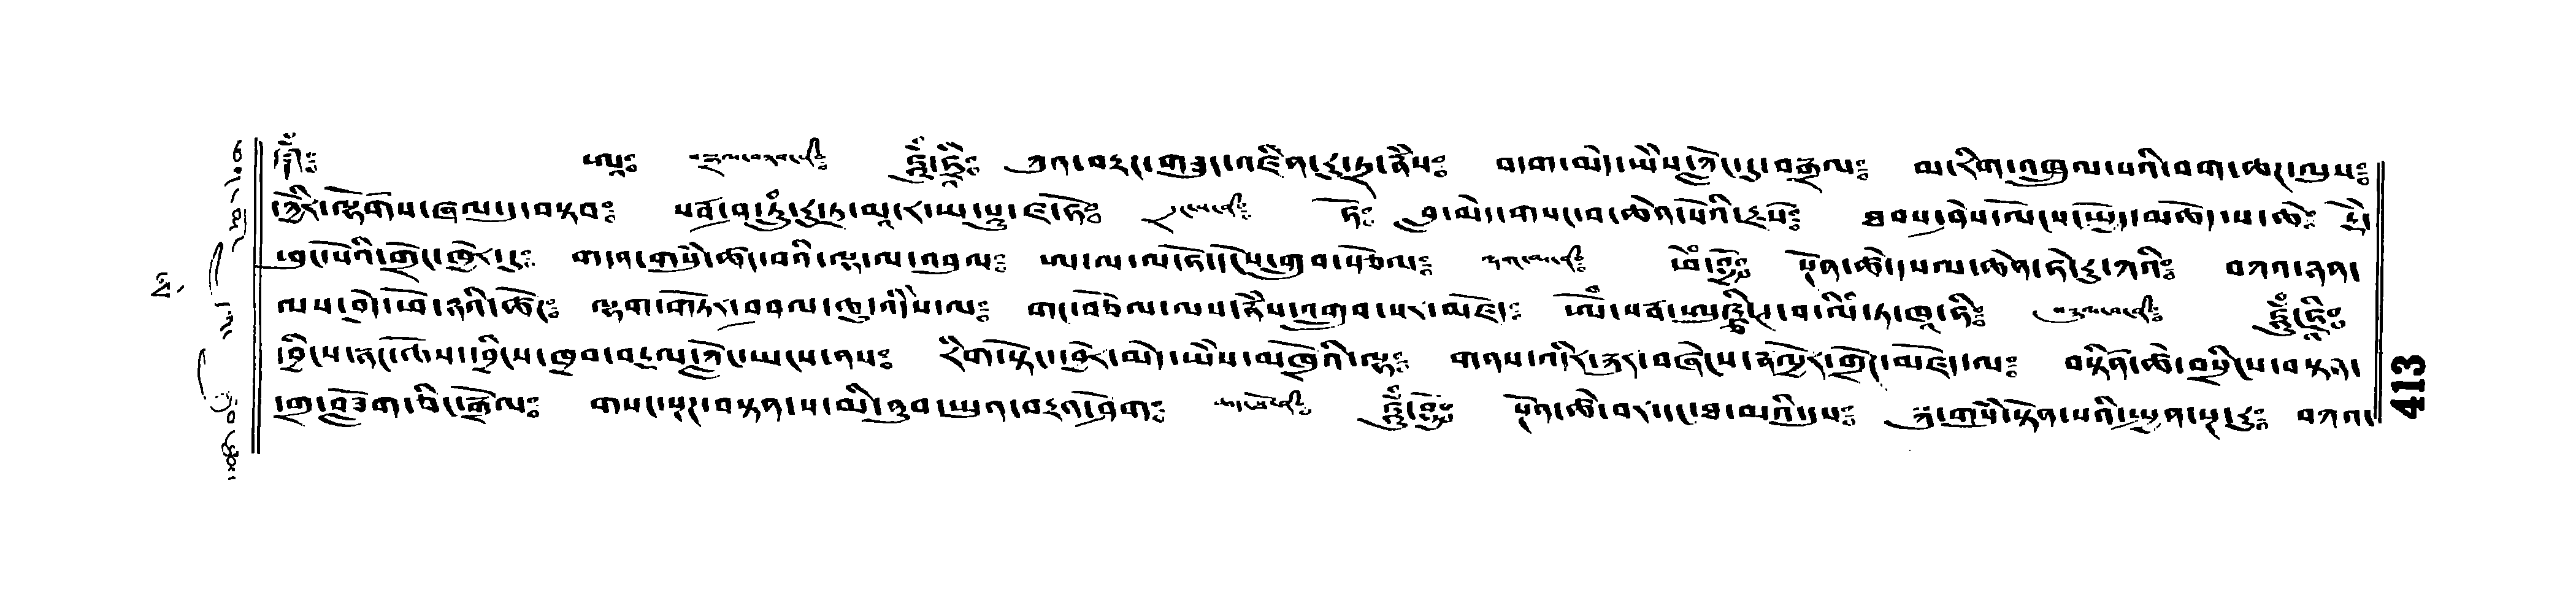ཨཱཿ བསྒྲལ་བསྟབ་ནི༔ ཧཱུྃ་ཧྲཱིཿ ཀུན་བརྟགས་གཟུང་འཛིན་རུ་ཏྲ་རྣམས༔ བདག་མེད་ཡེ་ཤེས་ཀློང་དུ་བསྒྲལ༔ མ་རིག་འཁྲུལ་པའི་བག་ཆགས་ལུས༔ 
དཀྱིལ་འཁོར་ལྷ་ཚོགས་ཞལ་དུ་བསྟབ༔ སརྦ་ཤ་ཏྲུཾ་རུ་ཏྲ་མཱ་ར་ཡ་པཱུ་ཛ་ཧོཿ དྲང་པ་ནི༔ ཧོཿ བླ་མེད་གསང་བ་ཆེན་པོའི་རྫས༔ ཐབས་ཤེས་ལོངས་སྤྱོད་མཆོད་པ་ཆེ༔ རྡོ་རྗེ་
ཕུང་པོའི་གྲོང་ཁྱེར་དུ༔ གདན་གསུམ་ཚང་བའི་ལྷ་ལ་འབུལ༔ ཨ་ལ་ལ་ཧོ་དངོས་གྲུབ་སྩོལ༔ ལྷག་མ་ནི༔ཕེཾ་བྷྱོ༔ སྔོན་ཚེ་དཔལ་ཆེན་ཧེ་རུ་ཀའི༔ བཀའ་ཉན་
ལས་བྱེད་ཕོ་ཉའི་ཚོགས༔ ལྷག་གཏོར་བཤལ་ཆུ་འདི་བཞེས་ལ༔ གང་བཅོལ་ལས་རྣམས་འགྲུབ་པར་མཛོད༔ ཨོཾ་སརྦ་ཨུཙྪིར་ཊ་བ་ལིཾ་ཏ་ཁཱ་ཧི༔ བསྐུལ་བ་ནི༔ ཧཱུྃ་ཧྲཱིཿ 
དབྱིངས་སྣང་ཆོས་དབྱིངས་ཁྱབ་བརྡལ་ཀློང་ཡངས་ནས༔ རིག་སྟོང་དབྱེར་མེད་ཡེ་ཤེས་མཁའ་འགྲོའི་ལྷ༔ གནས་འདིར་སྐུར་བཞེངས་རྣལ་འབྱོར་གྲོགས་མཛོད་ལ༔ བསྟན་འཛིན་ཚེ་སྲིངས་བསྟན་
དགྲ་ཟློག་ཅིང་སྒྲོལ༔ གསང་སྔགས་བསྟན་པ་མི་ནུབ་ཡུན་བརྟན་ཤོག༔ ཆད་ཐོ་ནི༔ ཧཱུྃ་བྷྱོ༔ སྔོན་ཚེ་བར་དང་ཐ་མའི་དུས༔ སྐུ་གསུམ་སྟོན་པའི་སྤྱན་སྔ་རུ༔ བཀའ་